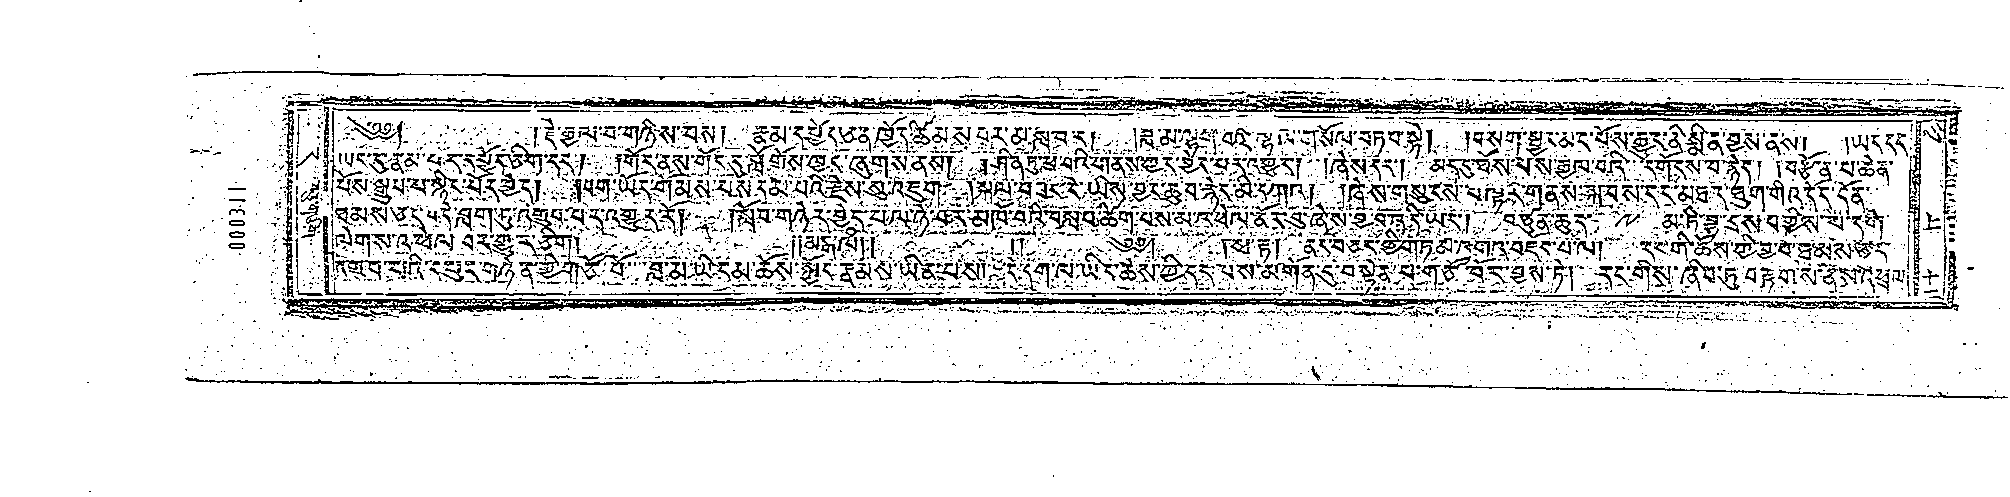༄༅། །རྗེ་རྒྱལ་བ་གཉིས་པས། རྣམ་དཔྱོད་ཅན་ཁྱོད་ཚིམས་པར་མ་སླ་བར། །བླ་མ་ལྷག་བའི་ལྷ་ལ་གསོལ་བཏབ་སྟེ། །བསག་སྦྱང་མང་པོས་རྒྱུད་ནི་སྨིན་བྱས་ནས། །ཡང་དང་
ཡང་དུ་རྣམ་པར་དཔྱོད་ཅིག་དང་། །གོང་ནས་གོང་དུ་བློ་གྲོས་ཁྱད་ཞུགས་ནས། །ཤིན་ཏུ་ཕྲ་བའི་གནས་ཀྱང་བྱེད་པར་འགྱུར། །ཞེས་དང་། མང་དུ་ཐོས་པས་རྒྱལ་བའི་དགོངས་པ་རྙེད། །བརྩོན་པ་ཆེན་
པོས་སྒྲུབ་པ་སྙིང་པོར་བྱེད། །བག་ཡོད་གོམས་པས་དམ་པའི་རྗེས་སུ་འཇུག །སྐལ་བཟང་དེ་ཡིས་བྱང་ཆུབ་རྙེད་མི་དཀའ། །ཞེས་གསུངས་པ་ལྟར་གནས་སྐབས་དང་མཐར་ཐུག་གི་འདོད་དོན་
ཐམས་ཅད་བདེ་བླག་ཏུ་འགྲུབ་པར་འགྱུར་རོ། །སློབ་གཉེར་བྱེད་པ་ལ་ཉེ་བར་མཁོ་བའི་བསླབ་ཚིག་བསམ་འཕེལ་ནོར་བུ་ཞེས་བྱ་བ་འདི་ཡང་། བཙུན་ཆུད་༧་མ་ཏི་བྷ་དྲས་བགྱིས་པ་དགེ་
ལེགས་འཕེལ་བར་གྱུར་ཅིག། །།མངྒ་ལཾ།། །། ༄༅། །སྭ་རྟ། ནར་བཅད་གྱི་གཏམ་འགའ་བརྗོད་པ་ལ། རང་གི་ཆོས་ཀྱི་བྱ་བ་ཐམས་ཅད་
འགྲུབ་པའི་དཔུང་གཉེན་གྱི་གཙོ་བོ་བླ་མ་ཡི་དམ་ཆོས་སྐྱོང་རྣམས་ཡིན་པས། དེ་དག་ལ་ཡིད་ཆེས་ཀྱི་དད་པས་མགོན་དུ་བསྟེན་པ་གཙོ་བོར་བྱས་ཏེ། རང་གིས་ཞིབ་ཏུ་བརྟགས་ནས་འཕྲལ་